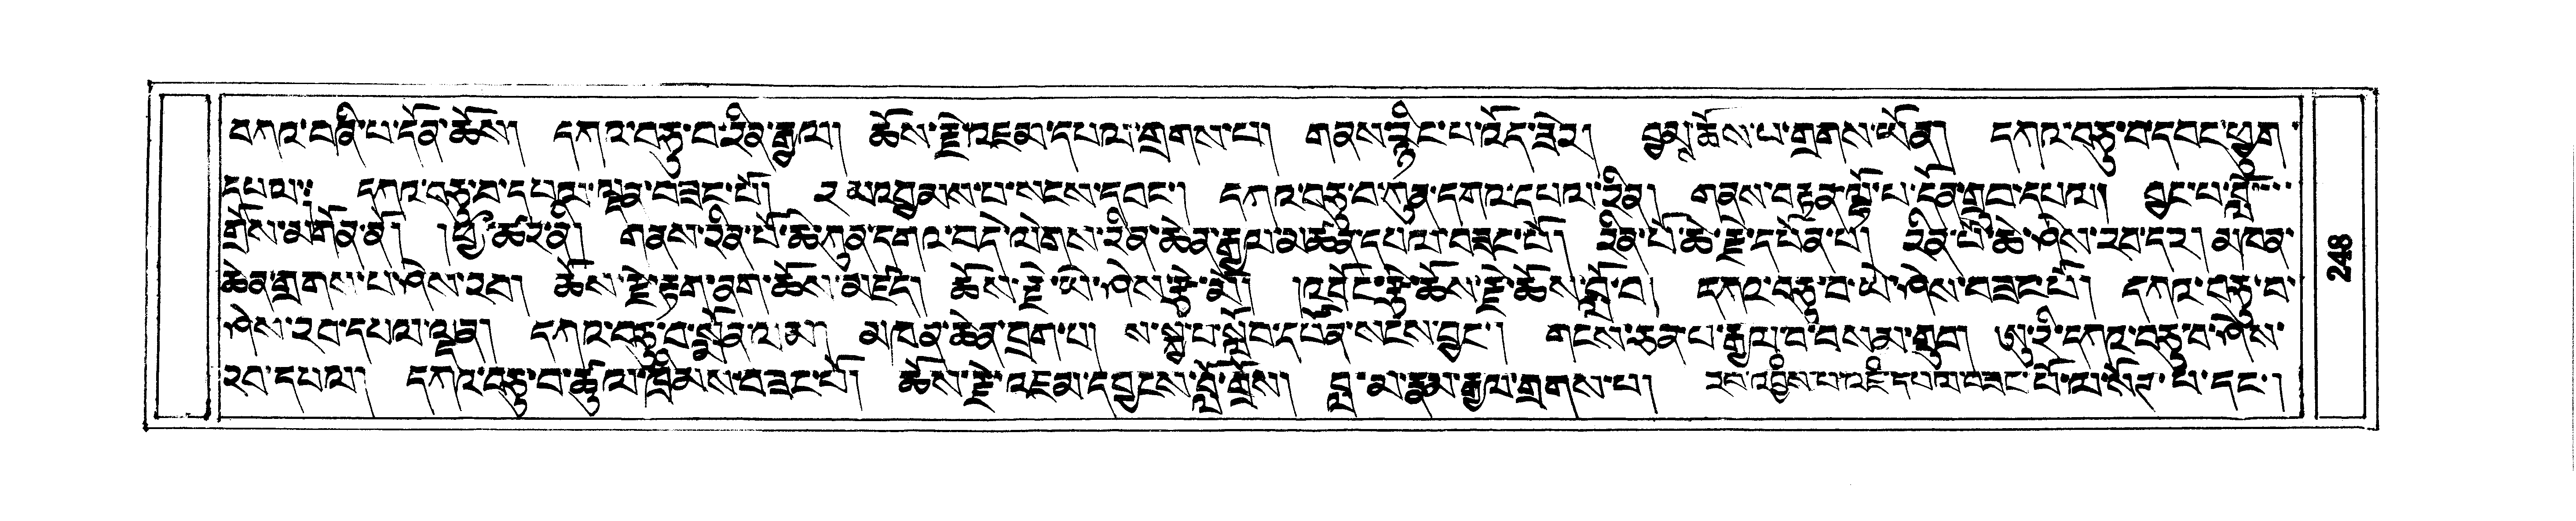བཀའ་བཞི་པ་དོན་ཆོས། དཀའ་བཅུ་བ་རིན་རྒྱལ། ཆོས་རྗེ་འཇམ་དཔལ་གྲགས་པ། གནས་རྙིང་པ་འོད་ཟེར། བྱམས་ཆོས་པ་གྲགས་ཡོན། དཀའ་བཅུ་བ་དབང་ཕྱུག་
དཔལ༑ དཀའ་བཅུ་བ་དཔལ་ལྡན་བཟང་པོ། རམ་འབྱམས་པ་སངས་དབང་། དཀའ་བཅུ་བ་ཀུན་དགའ་དཔལ་རིན། གནས་བརྟན་ལྷོ་པ་དོན་གྲུབ་དཔལ། བྱང་པ་བློ་
གྲོས་མགོན་ནོ། །ཕྱྀ་ཚར་ནི། གནས་རིན་པོ་ཆེ་ཀུན་དགའ་བདེ་ལེགས་རིན་ཆེན་རྒྱལ་མཚན་དཔལ་བཟང་པོ། རིན་པོ་ཆེ་རྗེ་དཔོན་པ། རིན་པོ་ཆེ་ཤེས་རབ་དར། མཁན་
ཆེན་གྲགས་པ་ཤེས་རབ། ཆོས་རྗེ་རྟག་ནག་ཆོས་མཛད། ཆོས་རྗེ་ཡེ་ཤེས་རྩེ་མོ། །འབྲོང་རྩེ་ཆོས་བློ་བ། དཀའ་བཅུ་བ་ཡེ་ཤེས་བཟང་པོ། དཀའ་བཅུ་བ་
ཤེས་རབ་དཔལ་ལྡན། དཀའ་བཅུ་བ་སྨོན་ལམ། མཁན་ཆེན་བྲག་པ། ས་སྐྱ་པ་སློབ་དཔོན་སངས་བྱང་། གང་ཅན་པ་རྒྱལ་བ་བསམ་གྲུབ། ཨུ་རི་དཀའ་བཅུ་བ་ཤེས་
རབ་དཔལ། དཀའ་བཅུ་བ་ཚུལ་ཁྲིམས་བཟང་པ། ཆོས་རྗེ་འཇམ་དབྱངས་བློ་གྲོས། བླ་མ་རྣམ་རྒྱལ་གྲགས་པ། རབ་འབྱཾས་པ་འཇཾ་དཔལ་བཟང་པོ་ལ་སོཊ་པ་དང་།